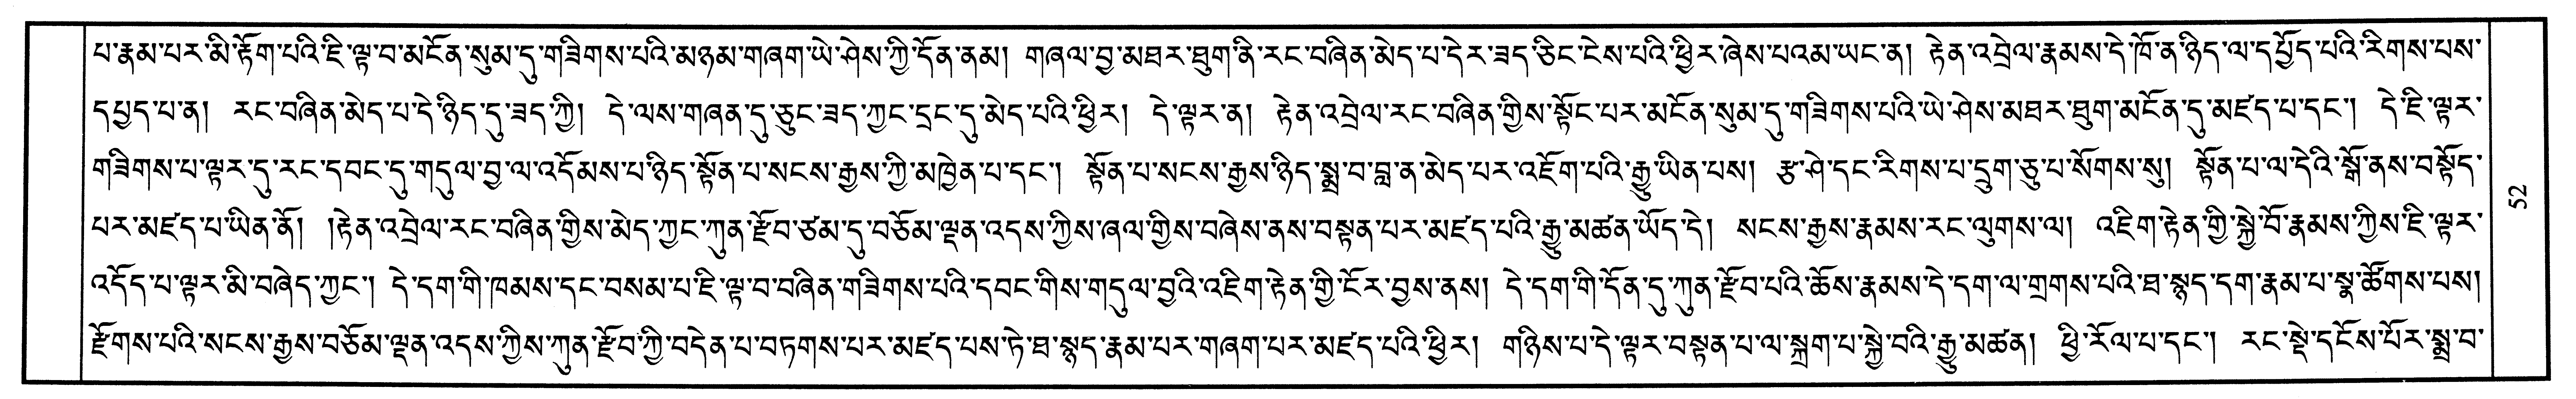པ་རྣམ་པར་མི་རྟོག་པའི་ཇི་ལྟ་བ་མངོན་སུམ་དུ་གཟིགས་པའི་མཉམ་གཞག་ཡེ་ཤེས་ཀྱི་དོན་ནམ། གཞལ་བྱ་མཐར་ཐུག་ནི་རང་བཞིན་མེད་པ་དེར་ཟད་ཅིང་ངེས་པའི་ཕྱིར་ཞེས་པའམ་ཡང་ན། རྟེན་འབྲེལ་རྣམས་དེ་ཁོ་ན་ཉིད་ལ་དཔྱོད་པའི་རིགས་པས་
དཔྱད་པ་ན། རང་བཞིན་མེད་པ་དེ་ཉིད་དུ་ཟད་ཀྱི། དེ་ལས་གཞན་དུ་ཅུང་ཟད་ཀྱང་དྲང་དུ་མེད་པའི་ཕྱིར། དེ་ལྟར་ན། རྟེན་འབྲེལ་རང་བཞིན་གྱིས་སྟོང་པར་མངོན་སུམ་དུ་གཟིགས་པའི་ཡེ་ཤེས་མཐར་ཐུག་མངོན་དུ་མཛད་པ་དང་། དེ་ཇི་ལྟར་
གཟིགས་པ་ལྟར་དུ་རང་དབང་དུ་གདུལ་བྱ་ལ་འདོམས་པ་ཉིད་སྟོན་པ་སངས་རྒྱས་ཀྱི་མཁྱེན་པ་དང་། སྟོན་པ་སངས་རྒྱས་ཉིད་སྨྲ་བ་བླ་ན་མེད་པར་འཇོག་པའི་རྒྱུ་ཡིན་པས། རྩ་ཤེ་དང་རིགས་པ་དྲུག་ཅུ་པ་སོགས་སུ། །སྟོན་པ་ལ་དེའི་སྒོ་ནས་བསྟོད་
པར་མཛད་པ་ཡིན་ནོ། །རྟེན་འབྲེལ་རང་བཞིན་གྱིས་མེད་ཀྱང་ཀུན་རྫོབ་ཙམ་དུ་བཅོམ་ལྡན་འདས་ཀྱིས་ཞལ་གྱིས་བཞེས་ནས་བསྟན་པར་མཛད་པའི་རྒྱུ་མཚན་ཡོད་དེ། སངས་རྒྱས་རྣམས་རང་ལུགས་ལ། འཇིག་རྟེན་གྱི་སྐྱེ་བོ་རྣམས་ཀྱིས་ཇི་ལྟར་
འདོད་པ་ལྟར་མི་བཞེད་ཀྱང་། དེ་དག་གི་ཁམས་དང་བསམ་པ་ཇི་ལྟ་བ་བཞིན་གཟིགས་པའི་དབང་གིས་གདུལ་བྱའི་འཇིག་རྟེན་གྱི་ངོར་བྱས་ནས། དེ་དག་གི་དོན་དུ་ཀུན་རྫོབ་པའི་ཆོས་རྣམས་དེ་དག་ལ་གྲགས་པའི་ཐ་སྙད་དག་རྣམ་པ་སྣ་ཚོགས་པས།
རྫོགས་པའི་སངས་རྒྱས་བཅོམ་ལྡན་འདས་ཀྱིས་ཀུན་རྫོབ་ཀྱི་བདེན་པ་བཏགས་པར་མཛད་པས་ཏེ་ཐ་སྙད་རྣམ་པར་གཞག་པར་མཛད་པའི་ཕྱིར། གཉིས་པ་དེ་ལྟར་བསྟན་པ་ལ་སྐྲག་པ་སྐྱེ་བའི་རྒྱུ་མཚན། ཕྱི་རོལ་པ་དང་། རང་སྡེ་དངོས་པོར་སྨྲ་བ་